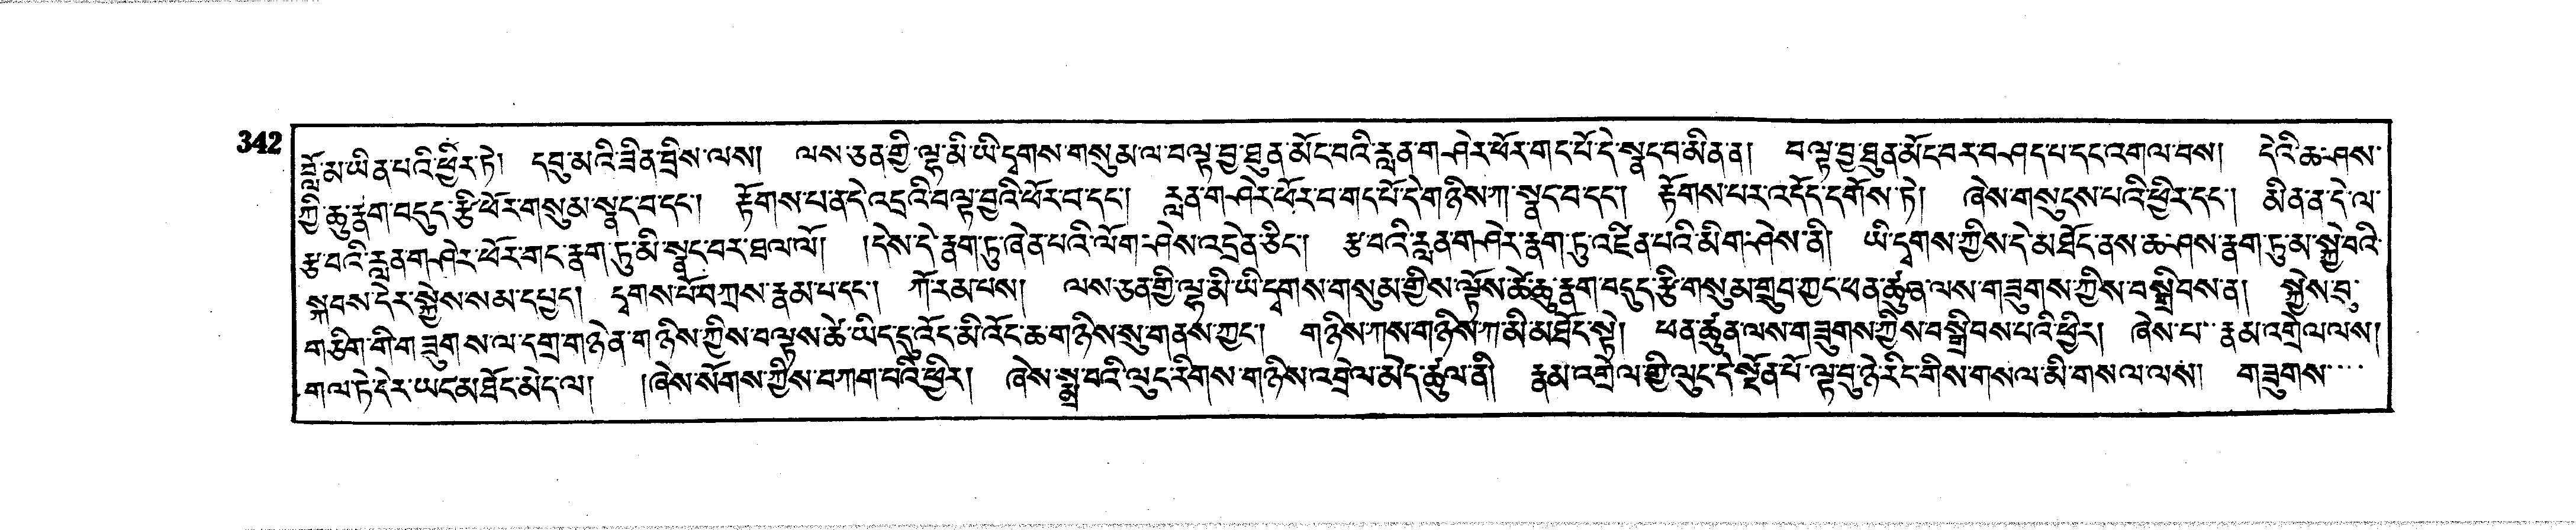བློ་མ་ཡིན་པའི་ཕྱིར་ཏེ། དབུ་མའི་ཟིན་བྲིས་ལས། ལས་ཅན་གྱི་ལྷ་མི་ཡི་དྭགས་གསུམ་ལ་བལྟ་བྱ་ཐུན་མོང་བའི་རླན་གཤེར་ཕོར་གང་པོ་དེ་སྣང་བ་མིན་ན། བལྟ་བྱ་ཐུན་མོང་བར་བཤད་པ་དང་འགལ་བས། དེའི་ཆ་ཤས་
ཀྱི་ཆུ་རྣག་བདུད་རྩི་ཕོར་གསུམ་སྣང་བ་དང་། རྟོགས་པ་ན་དེ་འདྲའི་བལྟ་བྱའི་ཕོར་བ་དང་། རླན་གཤེར་ཕོར་བ་གད་པོ་དེ་གཉིས་ཀ་སྣང་བ་དང་། རྟོགས་པར་འདོད་དགོས་ཏེ། ཞེས་གསུངས་པའི་ཕྱིར་དང་། མིན་ན་དེ་ལ་
རྩ་བའི་རླན་གཤེར་ཕོར་གང་རྣག་ཏུ་མི་སྣང་བར་ཐལ་ལོ། །དེས་དེ་རྣག་ཏུ་ཞེན་པའི་ལོག་ཤེས་འདྲེན་ཅིང་། རྩ་བའི་རླན་གཤེར་རྣག་ཏུ་འཛིན་པའི་མིག་ཤེས་ནི། ཡི་དྭགས་ཀྱིས་དེ་མཐོང་ནས་ཆ་ཤས་རྣག་ཏུ་མ་སྐྱེ་བའི་
སྐབས་དེར་སྐྱེས་སམ་དཔྱད། དྭགས་པོ་བཀྲས་རྣམ་པ་དང་། ཀོ་རམ་པས། ལས་ཅན་གྱི་ལྷ་མི་ཡི་དྭགས་གསུམ་གྱིས་ལྟོས་ཚེ་ཆུ་རྣག་བདུད་རྩི་གསུམ་གྲུབ་ཀྱང་ཕན་ཚུན་ལས་གཟུགས་ཀྱིས་བསྒྲིབས་ན། སྐྱེས་བུ་
གཅིག་གི་གཟུགས་ལ་དགྲ་གཉེན་གཉིས་ཀྱིས་བལྟས་ཚེ་ཡིད་དུ་འོང་ཆ་གཉིས་སུ་གནས་ཀྱང་། གཉིས་ཀས་གཉིས་ཀ་མི་མཐོང་སྟེ། ཕན་ཚུན་ལས་གཟུགས་ཀྱིས་བསྒྲིབས་པའི་ཕྱིར། ཞེས་པ་རྣམ་འགྲེལ་ལས།
གལ་ཏེ་དེར་ཡང་མཐོང་མེད་ལ། །ཞེས་སོགས་ཀྱིས་བཀག་པའི་ཕྱིར། ཞེས་སྨྲ་བའི་ལུང་རིགས་གཉིས་འབྲེལ་མེད་ཚུལ་ནི། རྣམ་འགྲེལ་གྱི་ལུང་དེ་སྔོན་པོ་ལྟ་བུ་ཉེ་རིང་གིས་གསལ་མི་གསལ་ལས། གཟུགས་